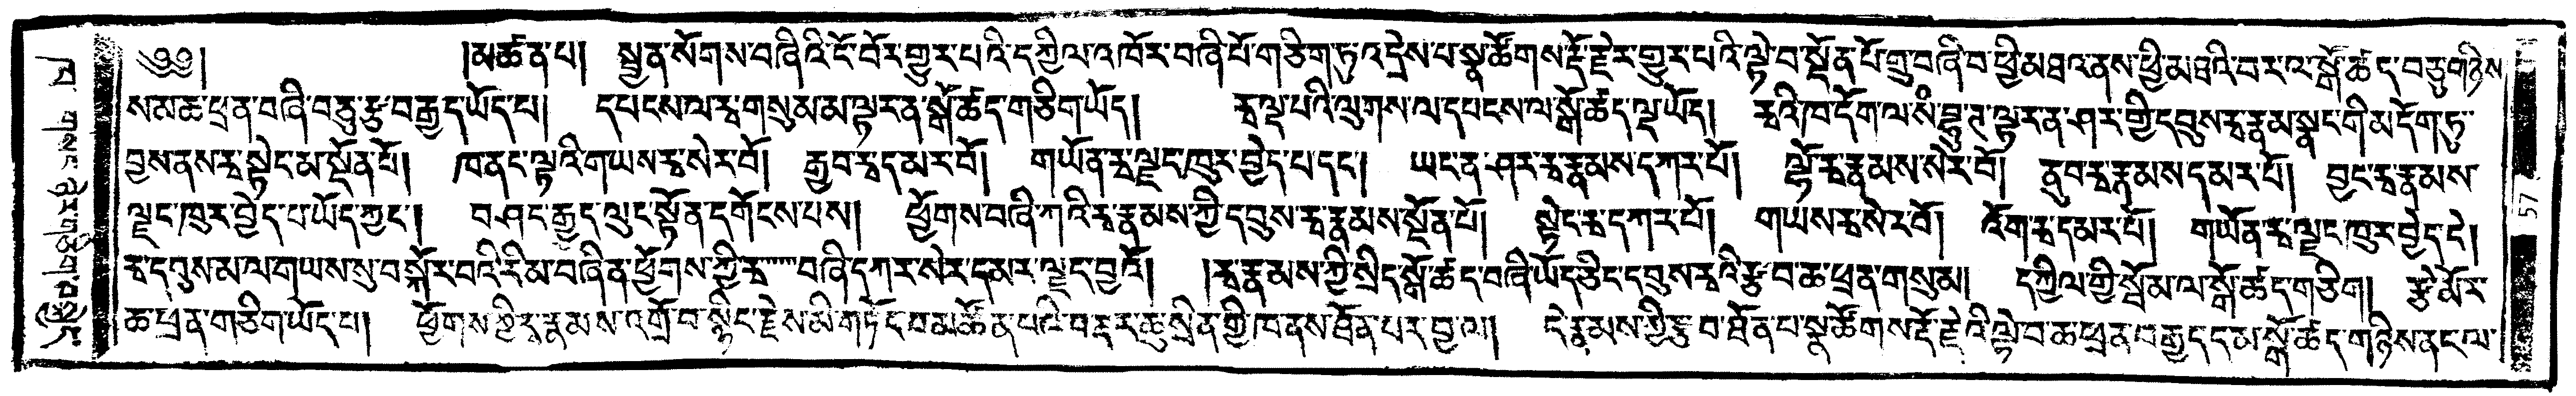༄༅། །མཚན་པ། སྤྱན་སོགས་བཞིའི་ངོ་བོར་གྱུར་པའི་དཀྱིལ་འཁོར་བཞི་པོ་གཅིག་ཏུ་འདྲེས་པ་སྣ་ཚོགས་རྡོ་རྗེར་གྱུར་པའི་ལྟེ་བ་སྔོན་པོ་གྲུ་བཞི་བ་ཕྱི་མཐའ་ནས་ཕྱི་མཐའི་བར་ལ་སྒོ་ཚད་བཅུ་གཉིས་
སམ་ཆ་ཕྲན་བཞི་བཅུ་རྩ་བརྒྱད་ཡོད་པ། དཔངས་ལ་རྭ་གསུམ་མ་ལྟར་ན་སྒོ་ཚད་གཅིག་ཡོད། རྭ་ལྔ་པའི་ལུགས་ལ་དཔངས་ལ་སྒོ་ཚད་ལྔ་ཡོད། རྭའི་ཁ་དོག་ལ་སཾ་བྷུ་ཊ་ལྟར་ན་ཤར་གྱི་དབུས་རྭ་རྣམ་སྣང་གི་མདོག་ཏུ་
བྱས་ནས་རྭ་སྟེང་མ་སྔོན་པོ། ཁ་ན་ད་ལྟའི་གཡས་རྭ་སེར་པོ། རྒྱབ་རྭ་དམར་པོ། གཡོན་རྭ་ལྗང་ཁུར་བྱེད་པ་དང་། ཡང་ན་ཤར་རྭ་རྣམས་དཀར་པོ། ལྷོ་རྭ་རྣམས་སེར་པོ། ནུབ་རྭ་རྣམས་དམར་པོ། བྱང་རྭ་རྣམས་
ལྗང་ཁུར་བྱེད་པ་ཡོད་ཀྱང་། བཤད་རྒྱུད་ལུང་སྟོན་དགོངས་པས། ཕྱོགས་བཞི་ཀའི་རྭ་རྣམས་ཀྱི་དབུས་རྭ་རྣམས་སྔོན་པོ། སྟེང་རྭ་དཀར་པོ། གཡས་རྭ་སེར་པོ། འོག་རྭ་དམར་པོ། གཡོན་རྭ་ལྗང་ཁུར་བྱེད་དེ།
རྭ་དབུས་མ་ལ་གཡས་སུ་བསྐོར་བའི་རིམ་བཞིན་ཕྱོགས་ཀྱི་རྭ་བཞི་དཀར་སེར་དམར་ལྗང་བྱའོ། །རྭ་རྣམས་ཀྱི་སྲིད་སྒོ་ཚད་བཞི་ཡོད་ཅིང་དབུས་རྭའི་རྩ་བ་ཆ་ཕྲན་གསུམ། དཀྱིལ་གྱི་སྦོམ་ལ་སྒོ་ཚད་གཅིག། རྩེ་མོར་
ཆ་ཕྲན་གཅིག་ཡོད་པ། ཕྱོགས་ཀྱི་རྭ་རྣམས་འགྲོ་བ་སྙིང་རྗེས་མི་གཏོང་བ་མཚོན་པའི་བརྡར་ཆུ་སྲིན་གྱི་ཁ་ནས་ཐོན་པར་བྱ་ལ། དེ་རྣམས་ཀྱི་རྩ་བ་ཐོན་པ་སྣ་ཚོགས་རྡོ་རྗེའི་ལྟེ་བ་ཆ་ཕྲན་བརྒྱད་དམ་སྒོ་ཚད་གཉིས་ནང་ལ་